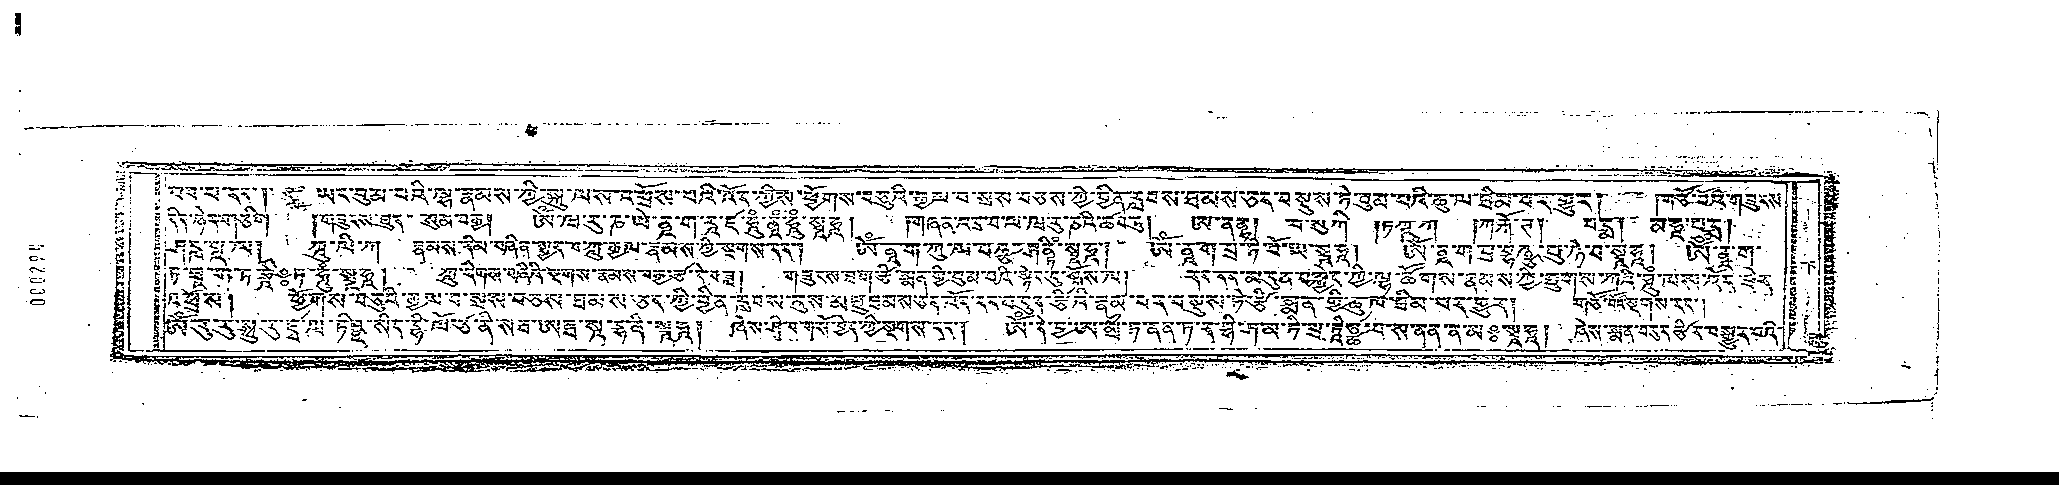བབ་བ་དང་། ཡང་བུམ་པའི་ལྷ་རྣམས་ཀྱི་སྐུ་ལས་འཕྲོས་པའི་འོད་ཀྱིས་ཕྱོགས་བཅུའི་རྒྱལ་བ་སྲས་བཅས་ཀྱི་བྱིན་བརླབས་ཐམས་ཅད་བསྡུས་ཏེ་བུམ་པའི་ཆུ་ལ་ཐིམ་པར་གྱུར། །གཙོ་བོའི་གཟུངས་
རིང་ཉེར་གཅིག་གཟུངས་ཐུང་སུམ་བརྒྱ། ཨོཾ་ལྭ་རུ་ཎ་ཡེ་ནཱ་ག་རཱ་ཛ་ཧཱུཾ་ནཱཾ་ཧཱུཾ་སྭཱཧཱ། གཞན་འདྲ་བ་ལ་ཝ་རུ་ཎའི་ཚ་བཅུ། ཨ་ནནྟ། བ་སུ་ཀི། ཏཀཱ་ཀ་ཀརྐོ་ཊ། པདམ། མཧཱ་པདམ།
ཤངྑ་པཱ་ལ། ཀཱ་ལི་ཀ །རྣམས་རིམ་བཞིན་སྦྱར་བ་ཀླུ་རྒྱལ་རྣམས་ཀྱི་སྔགས་དང་། ཨོཾ་ནཱ་ག་ཀུ་ལ་བཉྩ་ཤནྟིཾ་སྭཱཧཱ། ཨོཾ་ནཱ་ག་པྲ་ཏི་བོ་ཡ་སྭཱཧཱ། ཨོཾ་ནཱ་ག་བྲ་བྷཉྩ་པུ་ཉེ་བ་སྭཱཧཱ། ཨོཾ་ནཱ་ག་
ཏེ་ཐཱ་ག་ཏ་ཧྲཱིཿ་ཏ་ཧཱུཾ་སྭཱཧཱ། ཀླུ་རིགས་བཞིའི་སྔགས་རྣམས་བརྒྱ་རྩ་རེ་བཟླ། གཟུངས་ཐག་རྩི་སྨན་གྱི་བུམ་པའི་སྟེང་དུ་སྦོས་ལ། རང་དང་མདུན་བསྐྱེད་ཀྱི་ལྷ་ཚོགས་རྣམས་ཀྱི་ཐུགས་ཀའི་ཧཱུཾ་ལས་འོད་ཟེར་
འཕྲོས། ཕྱོགས་བཅུའི་རྒྱལ་བ་སྲས་བཅས་ཐམས་ཅད་ཀྱི་བྱིན་རླབས་ནུས་མཐུ་ཐམས་ཅད་འོད་དང་བདུད་རྩིའི་རྣོམ་པར་བསྡུས་ཏེ་རྩི་སྨན་གྱི་ཆུ་ལ་ཐིམ་པར་གྱུར། གཙོ་བོའི་སྔགས་དང་།
ཨོཾ་རུ་རུ་སྤུ་རུ་ཛྭ་ལ་ཏིཥཱ་སིད་དྷི་ལོ་ཙ་ནི་སརྦ་ཨནྭ་སཱ་དྷ་ནི་སྭཱཧཱ། ཞེས་ཤིག་གསོ་བྱེད་ཀྱི་སྔགས་དང་། ཨོཾ་དེ་བྱ་ཨ་མྲི་ཏ་ནན་ཏ་ར་བྷི་ཤ་མ་ཏི་བྲ་ཏཱིཙྪ་བ་ས་ནན་ན་མཿ་སྭཱཧཱ། ཞེས་སྨན་བདུད་རྩིར་བསྒྱུར་བའི་